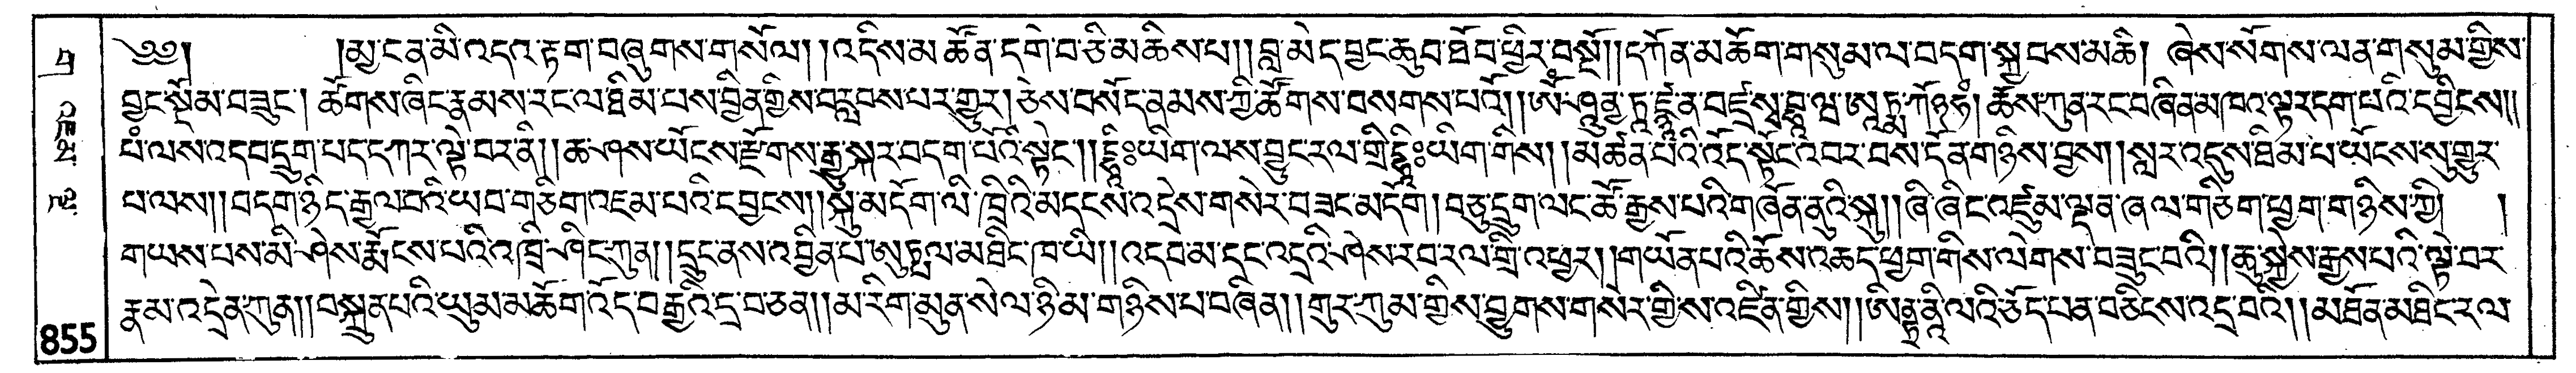༄༅། །མྱ་ངན་མི་འདའ་རྟག་བཞུགས་གསོལ། །འདིས་མཚོན་དགེ་བ་ཅི་མཆིས་པ། །བླ་མེད་བྱང་ཆུབ་ཐོབ་ཕྱིར་བསྔོ། །དཀོན་མཆོག་གསུམ་ལ་བདག་སྐྱབས་མཆི། ཞེས་སོགས་ལན་གསུམ་གྱིས་
བྱང་སྡོམ་བཟུང་། ཚོགས་ཞིང་རྣམས་རང་ལ་ཐིམ་པས་བྱིན་གྱིས་བརླབས་པར་གྱུར། ཅེས་བསོད་ནམས་ཀྱི་ཚོགས་བསགས་པའོ། །ཨོཾ་ཤཱུནྱ་ཏཱ་ཛྙཱ་ན་བཛྲ་སྭ་བྷཱ་ཝ་ཨཱཏྨ་ཀོཉ་ཧཾ། ཆོས་ཀུན་རང་བཞིན་མཁའ་ལྟར་དག་པའི་དབྱིངས།།
པཾ་ལས་འདབ་དྲུག་པད་དཀར་ལྟེ་བར་ནི། །ཆ་ཤས་ཡོངས་རྫོགས་རྒྱུ་སྐར་བདག་པོའི་སྟེང་། །དྷཱིཿ ཡིག་ལས་བྱུང་རལ་གྲི་དྷཱིཿ ཡིག་གིས། །མཚན་པའི་འོད་སྟོང་འབར་བས་དོན་གཉིས་བྱས། །སླར་འདུས་ཐིམ་པ་ཡོངས་སུ་གྱུར་
པ་ལས། །བདག་ཉིད་རྒྱལ་བའི་ཡབ་གཅིག་འཇམ་པའི་དབྱངས། །སྐུ་མདོག་ལི་ཁྲིའི་མདངས་འདྲེས་གསེར་བཟང་མདོག །བཅུ་དྲུག་ལང་ཚོ་རྒྱས་པའི་གཞོན་ནུའི་སྐུ། །ཞི་ཞིང་འཛུམ་ལྡན་ཞལ་གཅིག་ཕྱག་གཉིས་ཀྱི། །
གཡས་པས་མི་ཤེས་རྨོངས་པའི་འཁྲི་ཤིང་ཀུན། །དྲུང་ནས་འབྱིན་པ་ཨུཏྤལ་མཐིང་ཁ་ཡི། །འདབ་མ་དང་འདྲའི་ཤེས་རབ་རལ་གྲི་འཕྱར། །གཡོན་པའི་ཆོས་འཆད་ཕྱག་གིས་ལེགས་བཟུང་བའི། །ཆུ་སྐྱེས་རྒྱས་པའི་ལྟེ་བར་
རྣམ་འདྲེན་ཀུན། །བསྐྲུན་པའི་ཡུམ་མཆོག་འོད་བརྒྱའི་དྲ་བ་ཅན། །མ་རིག་མུན་སེལ་ཉི་མ་གཉིས་པ་བཞིན། །གུར་ཀུམ་གྱིས་བྱུགས་གསེར་གྱི་ས་འཛིན་གྱིས། །ཨིནྟྲ་ནཱི་ལའི་ཅོད་པན་བཅིངས་འདྲ་བའི། །མཐོན་མཐིང་རལ་